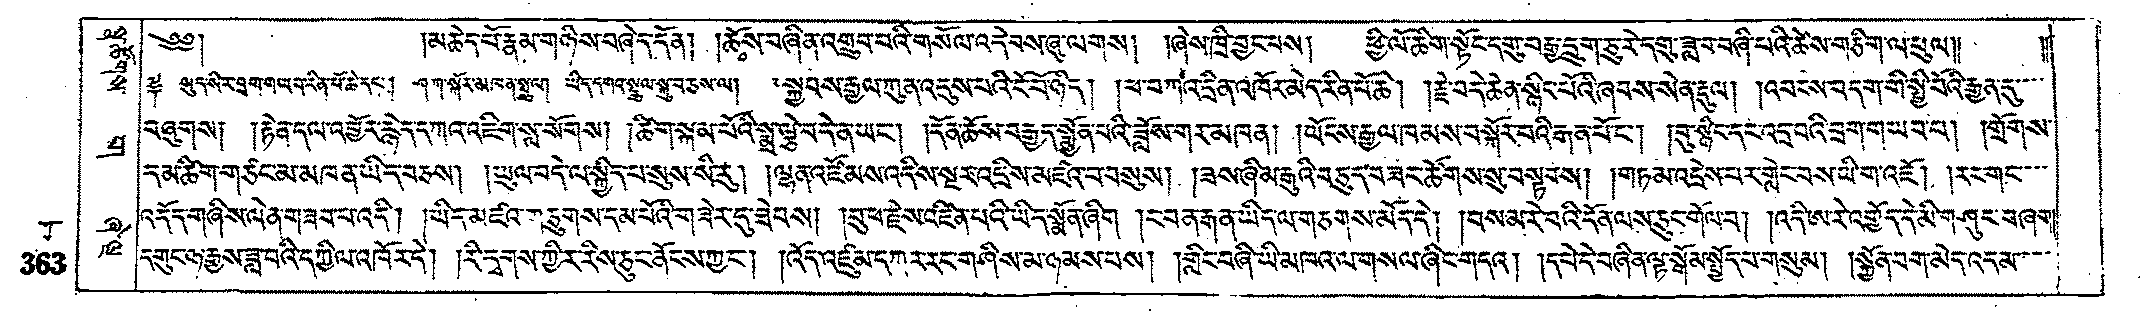༄༅། །མཆོད་པོ་རྣམ་གཉིས་བཞེད་དོན། །ཆོས྾་བཞིན་འགྲུབ་པའི་གསོལ་འདེབས་ཞུ་ལགས། །ཞེས་ཁྲི་བྱང་པས། ཕྱི་ལོ་ཆིག་སྟོང་དགུ་བརྒྱ་དྲུག་ཅུ་རེ་དགུ་ཟླ་བ་བཞི་པའི་ཚེས་གཅིག་ལ་ཕུལ།། །།
འ་སུད་སིར་བྲག་གཡབ་རིན་པོ་ཆེ་དང་། ཤཀ་སྐོར་མཁན་སྤྲུལ། ཡིད་དགའ་སྤྲུལ་སྐུ་ཅས་ལ།  ༧་སྐྱབས་རྒྱལ་ཀུན་འདུས་པའི་ངོ་བོ་ཉིད། །ཕ་ཀ་དྲིན་འཁོར་མེད་རིན་པོ་ཆེ། །རྗེ་བདེ་ཆེན་སྙིང་པོའི་ཞབས་སེན་རྡུལ། །འབངས་བདག་གི་སྤྱི་བོའི་རྒྱན་དུ་་་
བཞུགས། །རྟེན་དལ་འབྱོར་རྙེད་དཀའ་འཇིགས་སླ་སོགས། །ཚིག་སྐམ་པོའི་སྨྲ་ལྕེ་བདེ་ན་ཡང་། །དོན་ཆོས་བརྒྱད་སྨྱོན་པའི་ཟློས་གར་མཁན། །ཡོངས་རྒྱལ་ཁམས་བསྐོར་བའི་རྒན་པོ་ང་། །བུ་སྙིང་དང་འདྲ་བའི་བྲག་གཡབ་པ། །གྲོགས་
དམ་ཚིག་གཙང་མ་མཁན་ཡིད་བཅས། །ཡུལ་བདེ་ལ་སྐྱིད་པ་སུས་སི་རུ། །ལྷན་འཛོམས་འདིས་སྔར་འདྲིས་མཛའ་བ་བསུས། །ཟས་ཞིམ་རྒུའི་བཅུད་བཟང་ཚོགས་སུ་བསྟབས། །གཏམ་འདྲེས་པར་གླེང་བས་ཡི་ག་འཇོ། །རང་གང་་་
འདོད་གཞིས་ལེན་གཟབ་པ་འདི། །ཡིད་མཛའ་གཅུགས་དམ་པོའི་གཟེར་དུ་ཐེབས། །བུ་ཕ་རྗེས་འཛིན་པའི་ཡིད་སྨོན་ཞིག། །ང་བན་རྒན་ཡིད་ལ་གཅགས་མོད་དེ། །བསམ་རེ་བའི་དོན་ལས་ཅུང་གོལ་བ། །འདི་ཨ་རེ་འགྱོད་དེ་མི་གཤུང་བཞག།
དགུང་ཉ་རྒྱས་ཟླ་བའི་དཀྱིལ་འཁོར་དེ། །རི་དྭགས་ཀྱི་ར་རིས་ཅུང་ནོངས་ཀྱང་། །འོད་འཛུམ་དཀར་རང་གཤིས་མ་ཉམས་པས། །གླིང་བཞི་ཡི་མཁའ་ལ་གསལ་ཞིང་གདའ། །དཔེ་དེ་བཞིན་ལྟ་སྒོམ་སྤྱོད་པ་གསུམ། །སྐྱོན་བདག་མེད་འདམ་་་